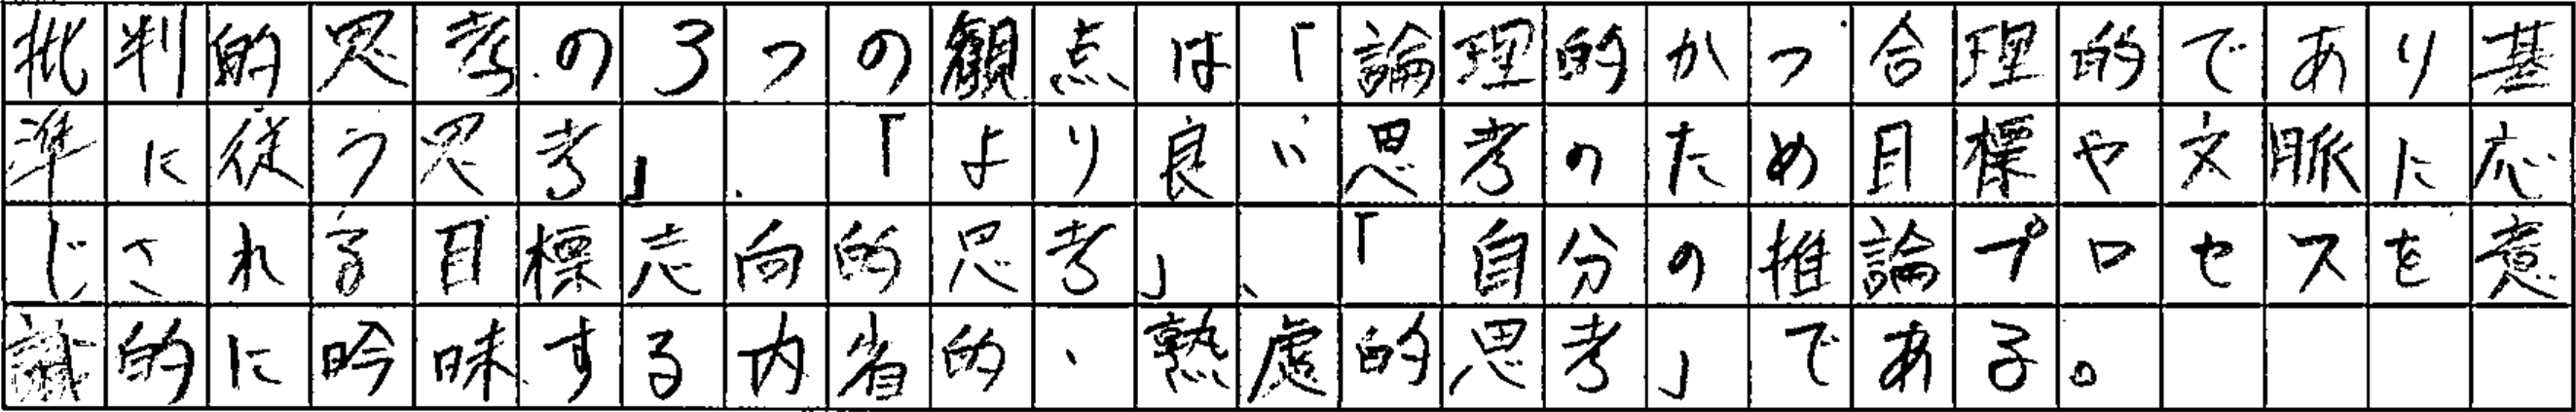批判的思孝の３つの観点は「論理的かつ合理的であり基準に従う思考」、「より良い思考のため目標や文脈に応じされる目標志向的思考」、「自分の推論プロセスを意識的に▁味する内省的・熟慮的思考」である。
